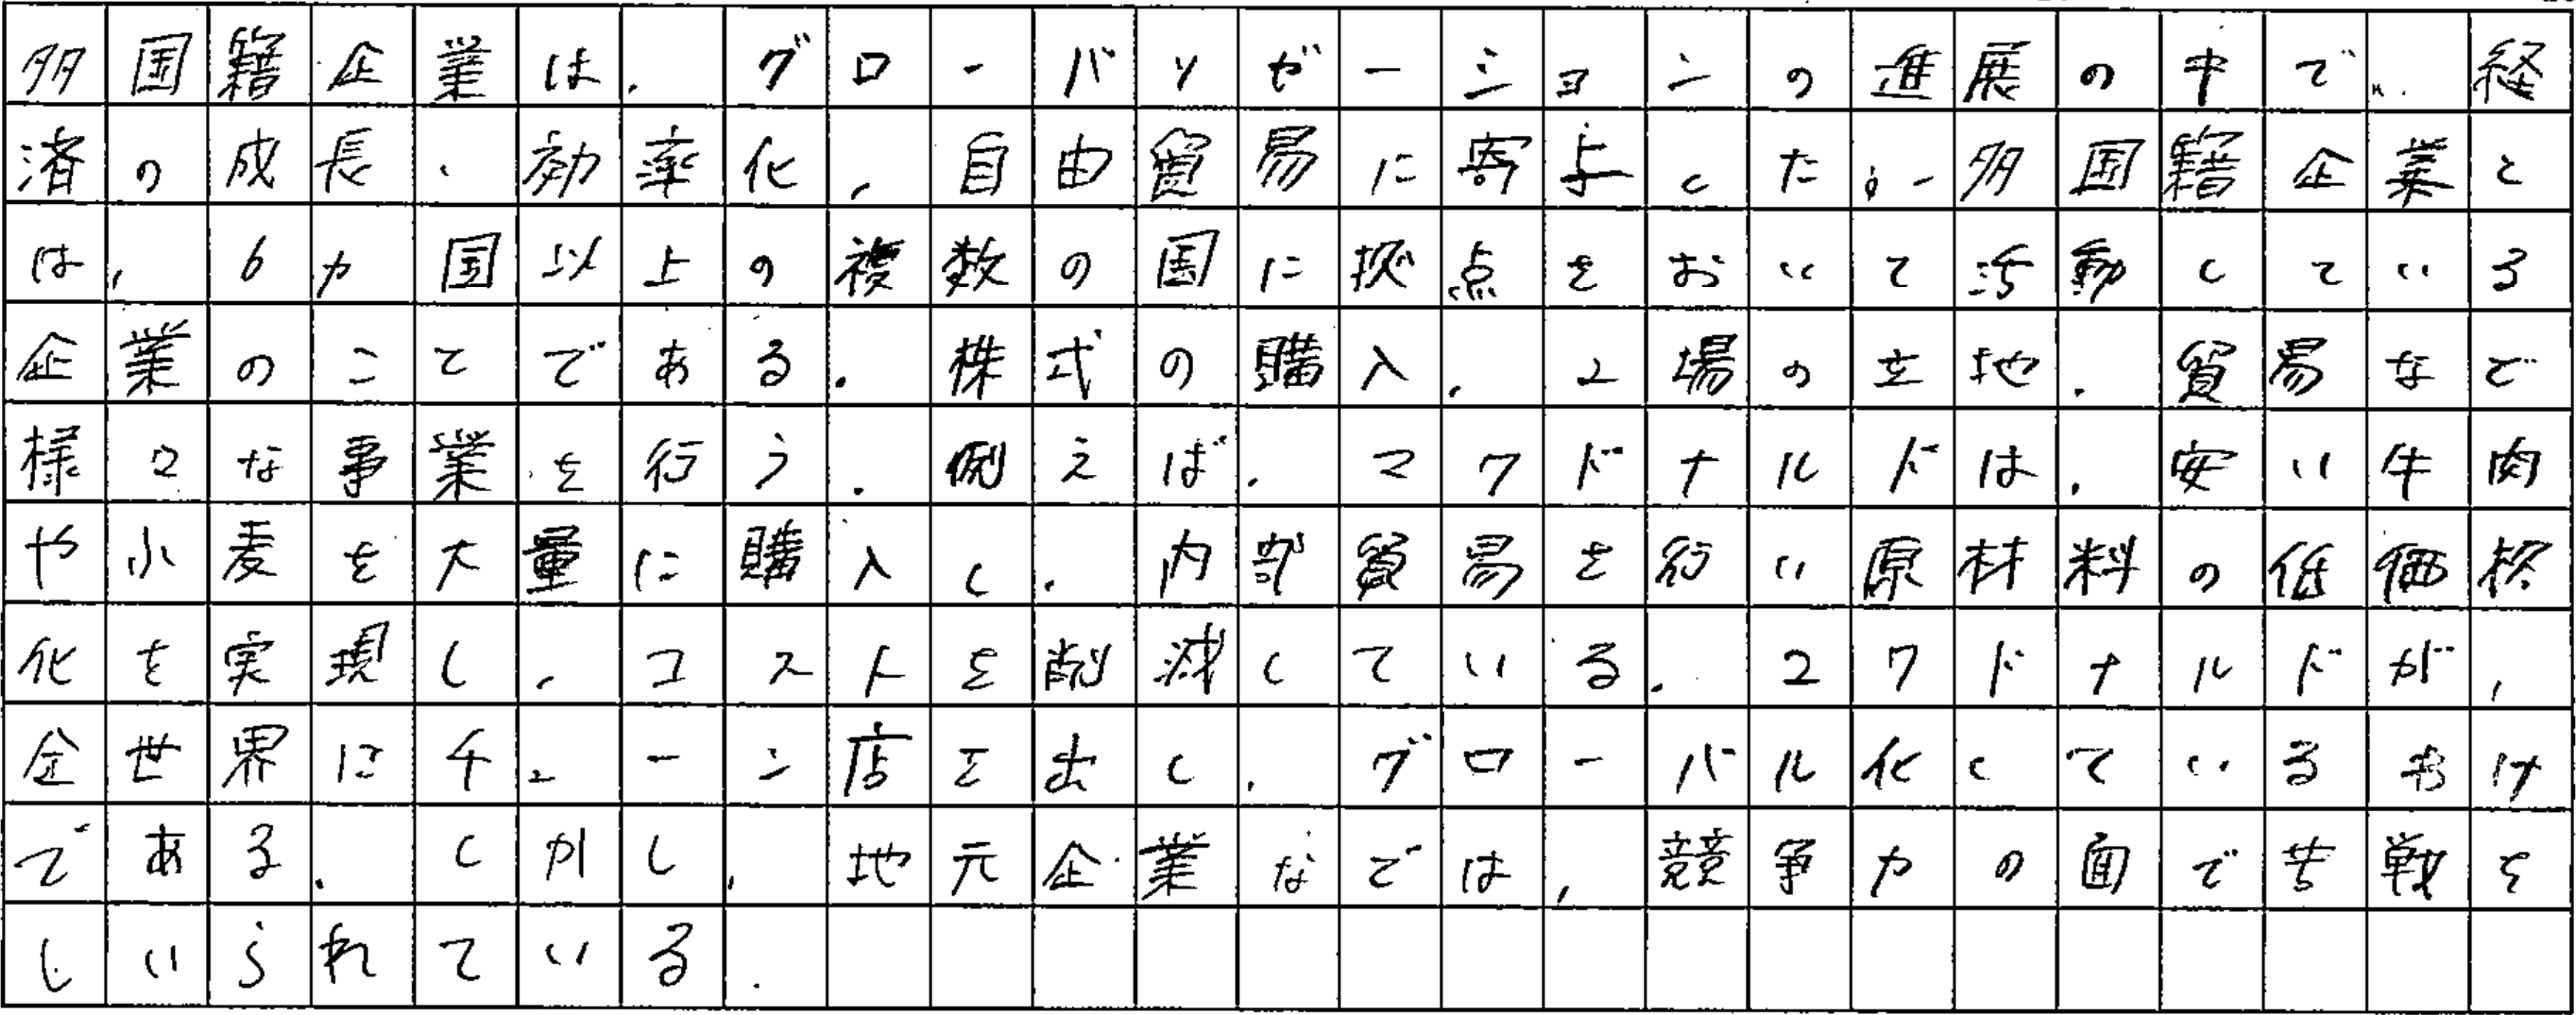多国籍企業は、グローバリゼーションの進展の中で、経済の成長、効率化、自由貿易に寄与した。多国籍企業とは、６カ国以上の複数の国に拠点をおいて活動している企業のことである。株式の購入、工場の立地、貿易など様々な事業を行う。例えば、マクドナルドは、安い牛肉や小麦を大量に購入し、内部貿易を行い原材料の低価格化を実現し、コストを削減している。マクドナルドが、全世界にチェーン店を出し、グローバル化しているわけである。しかし、地元企業などは、競争力の面で苦戦をしいられている。
